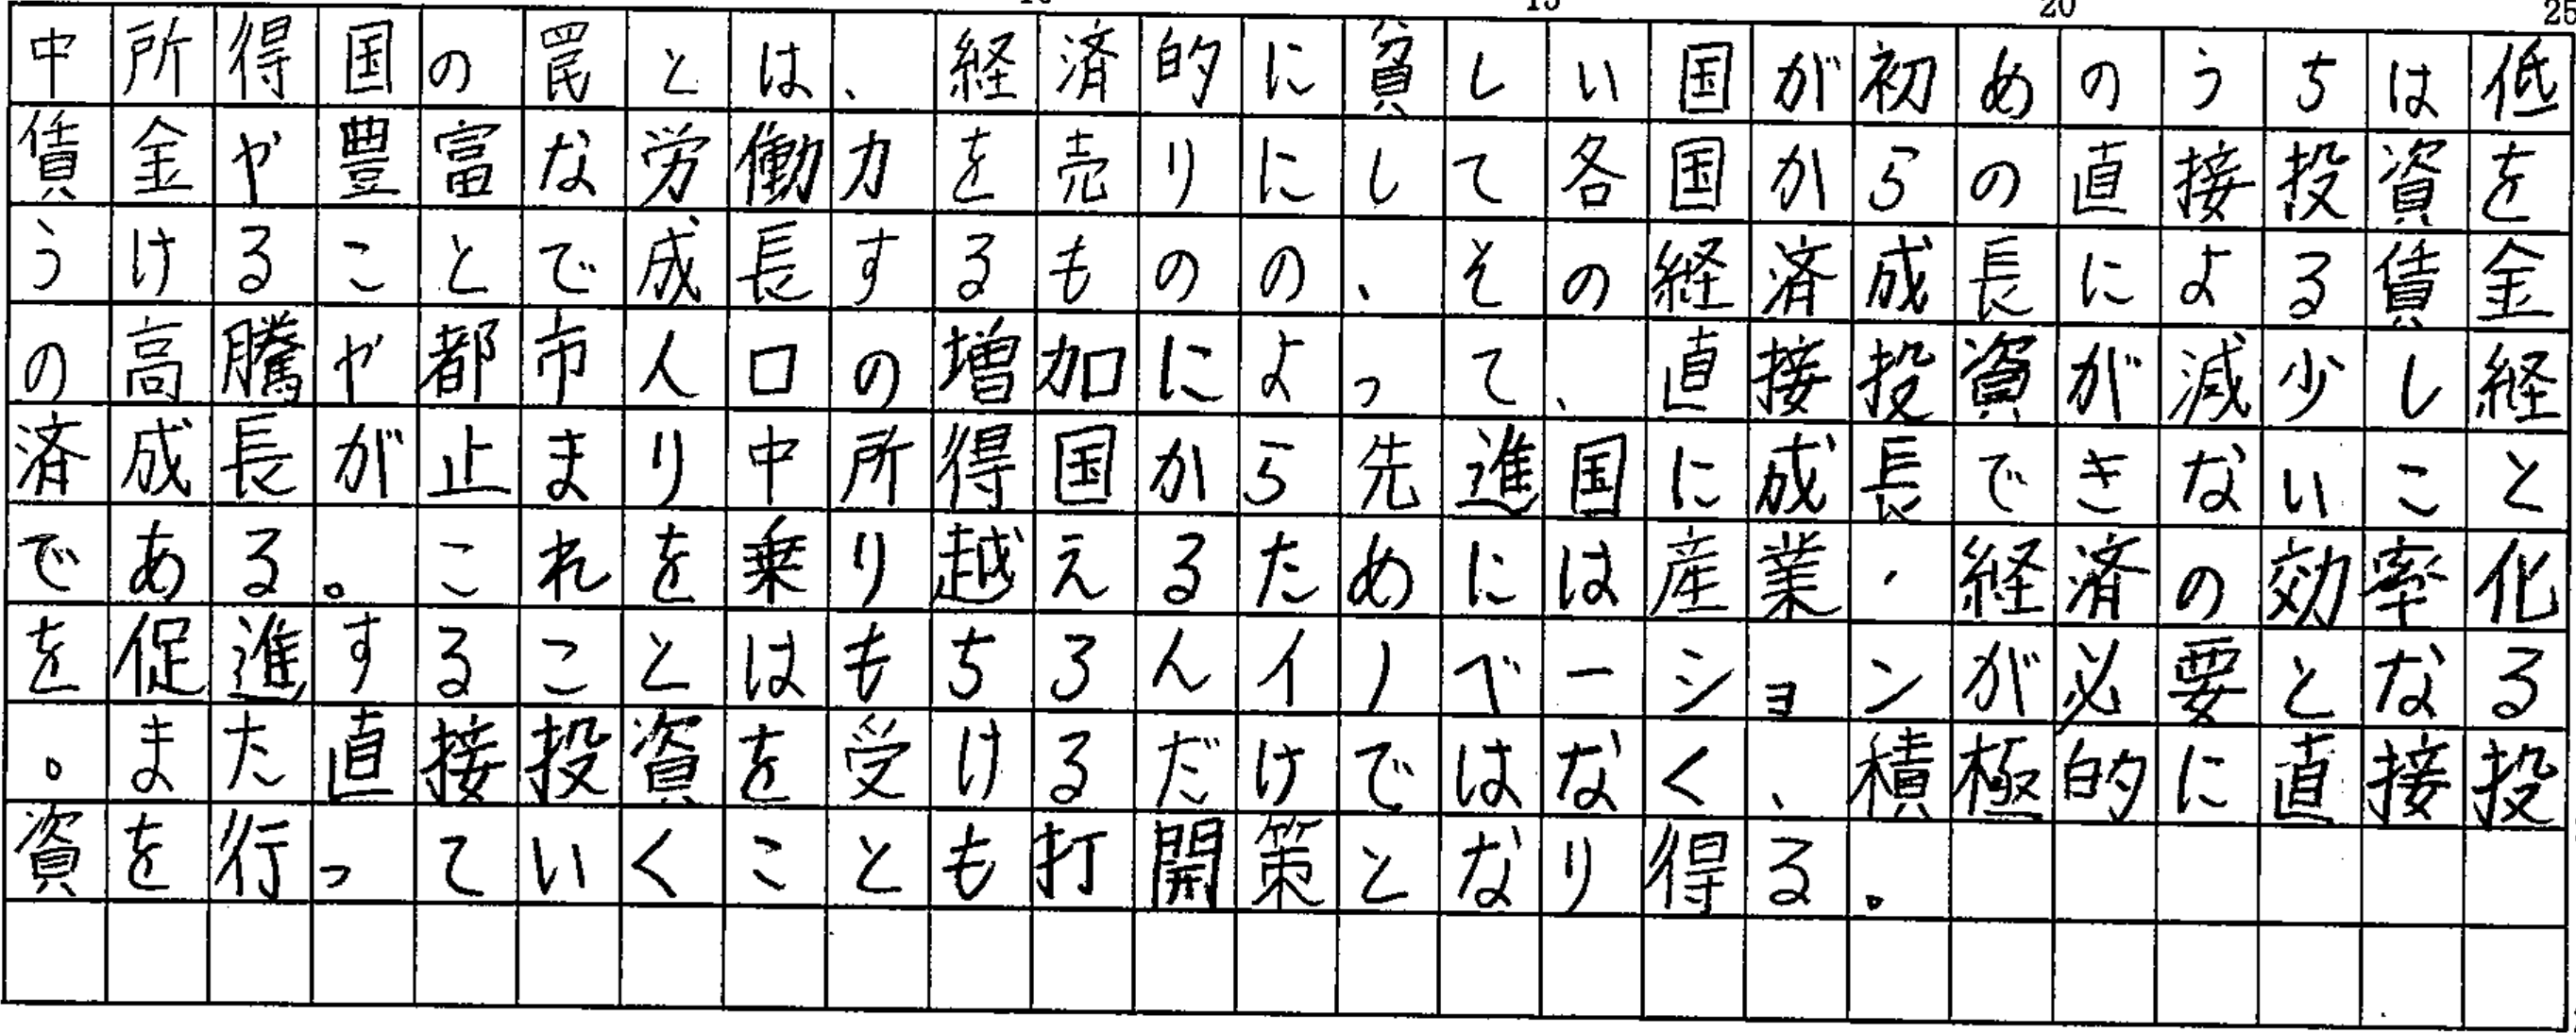中所得国の罠とは、経済的に貧しい国が初めのうちは低賃金や豊富な労働力を売りにして各国からの直接投資をうけることで成長するものの、その経済成長による賃金の高騰や都市人口の増加によって、直接投資が減少し経済成長が止まり中所得国から先進国に成長できないことである。これを乗り越えるためには産業・経済の効率化を促進することはもちろんイノベーションが必要となる。また直接投資を受けるだけではなく、積極的に直接投資を行っていくことも打開策となり得る。
